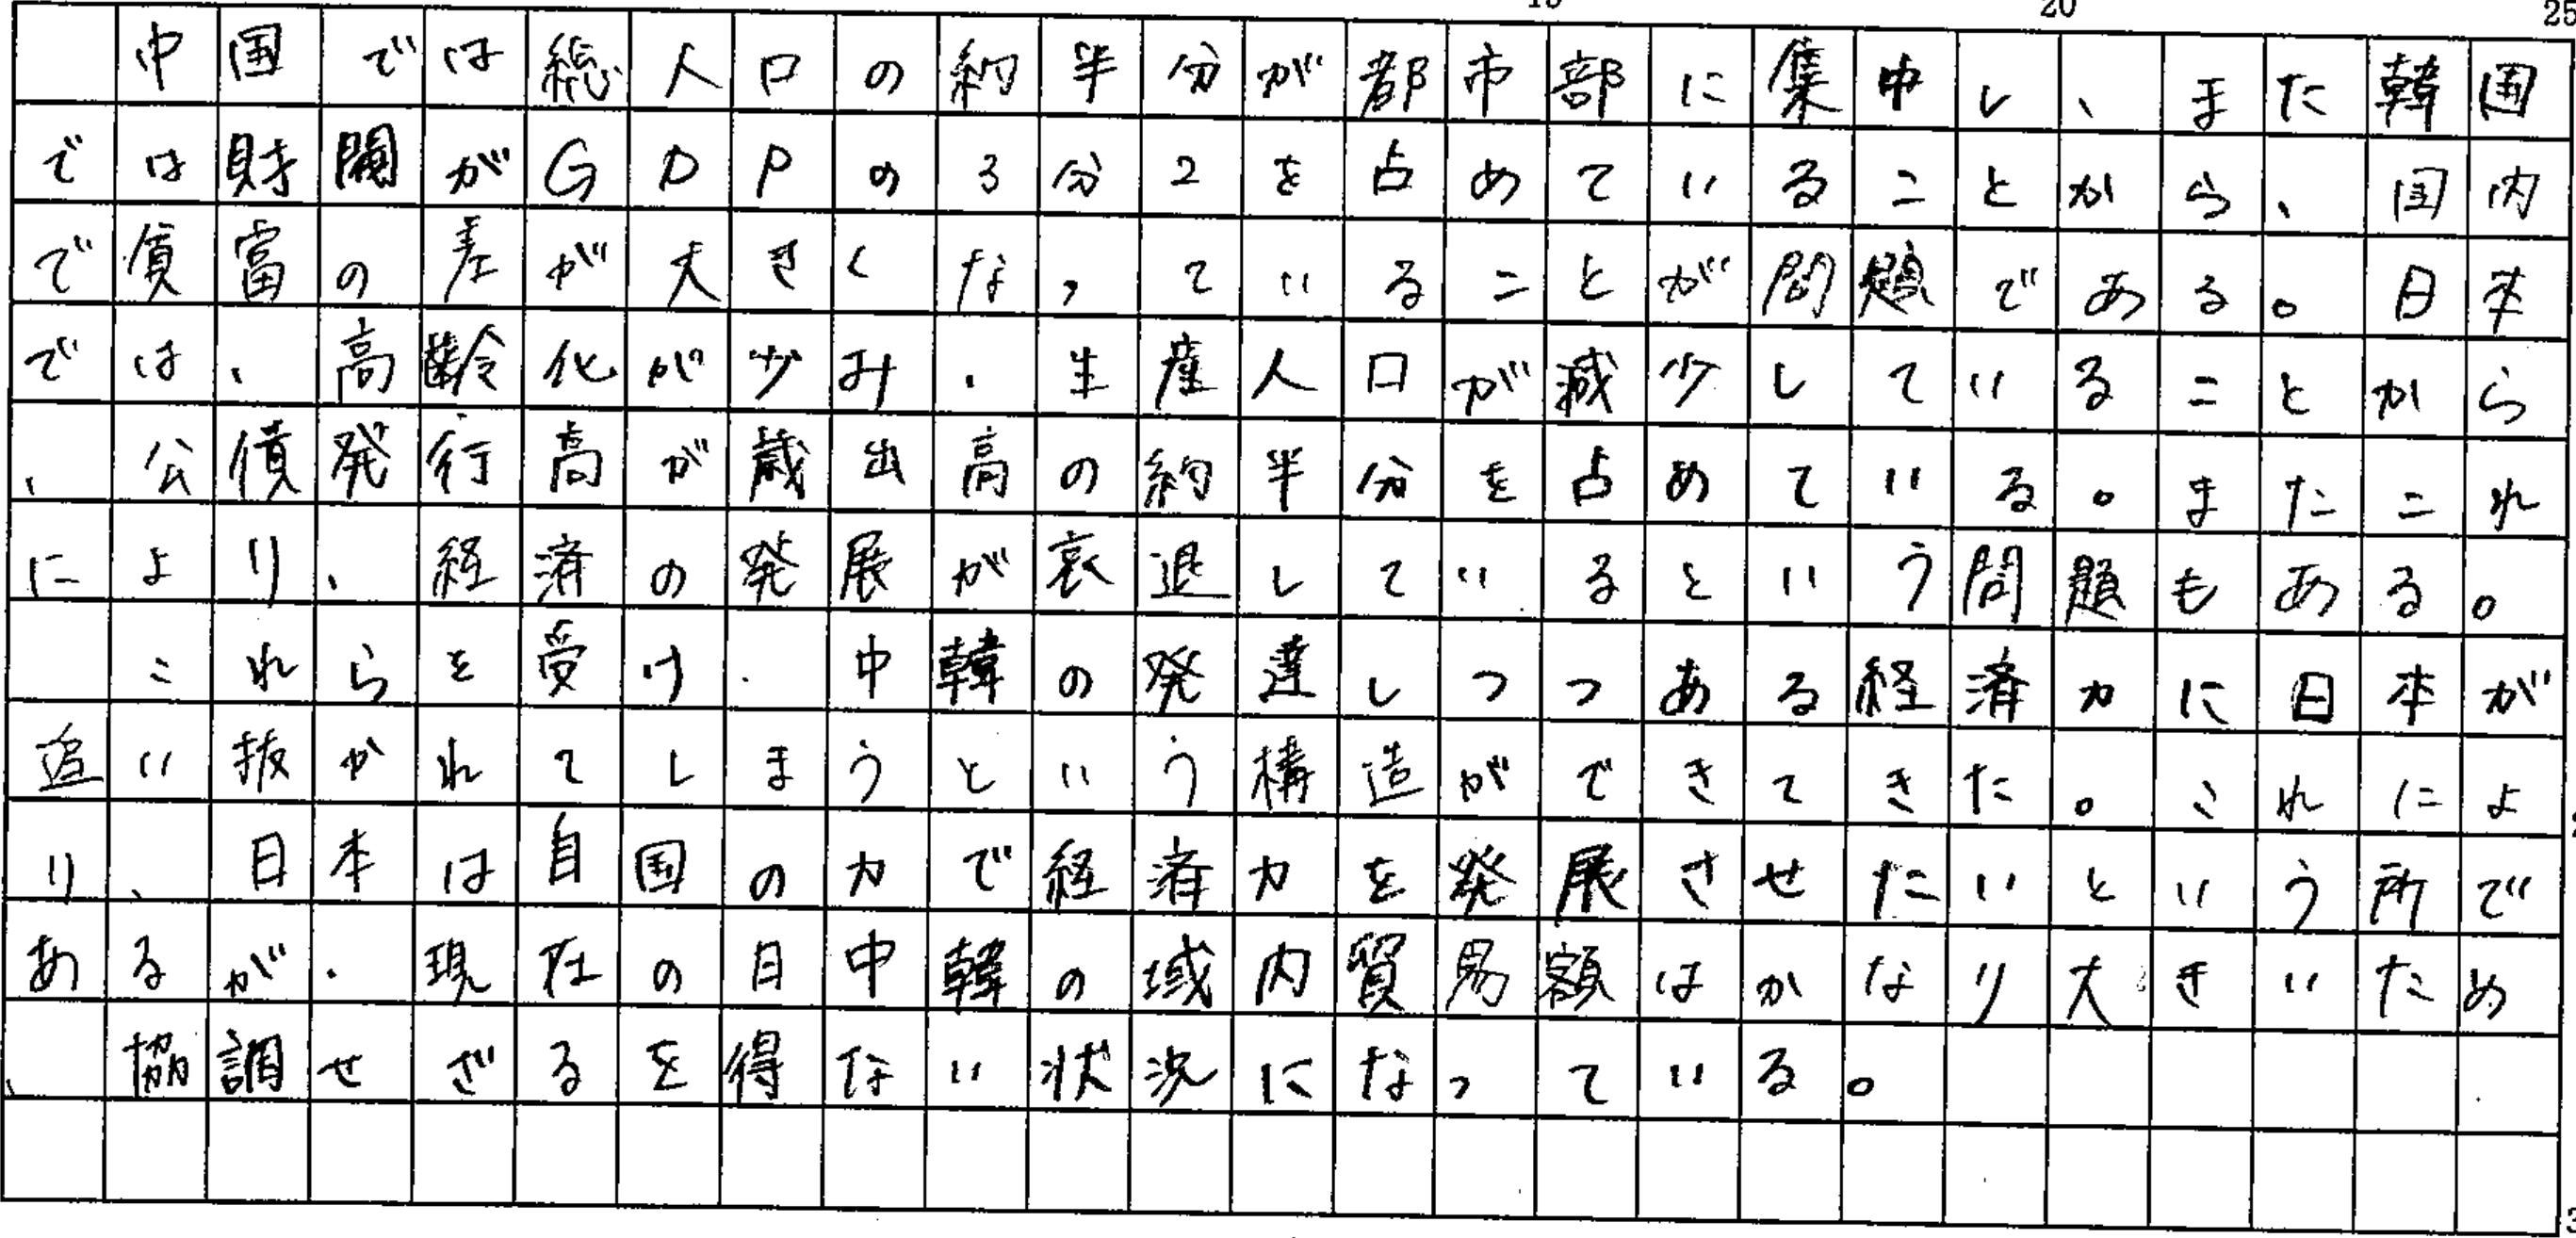　中国では総人口の約半分が都市部に集中し、また韓国では財閥がＧＤＰの３分２を占めていることから、国内で貧富の差が大きくなっていることが問題である。日本では、高齢化が少み、生産人口が減少していることから、公債発行高が歳出高の約半分を占めている。またこれにより、経済の発展が衰退しているという問題もある。
　これらを受け、中韓の発達しつつある経済力に日本が追い抜かれてしまうという構造ができてきた。これにより、日本は自国の力で経済力を発展させたいという所であるが、現在の日中韓の域内貿易額はかなり大きいため、協調せざるを得ない状況になっている。
